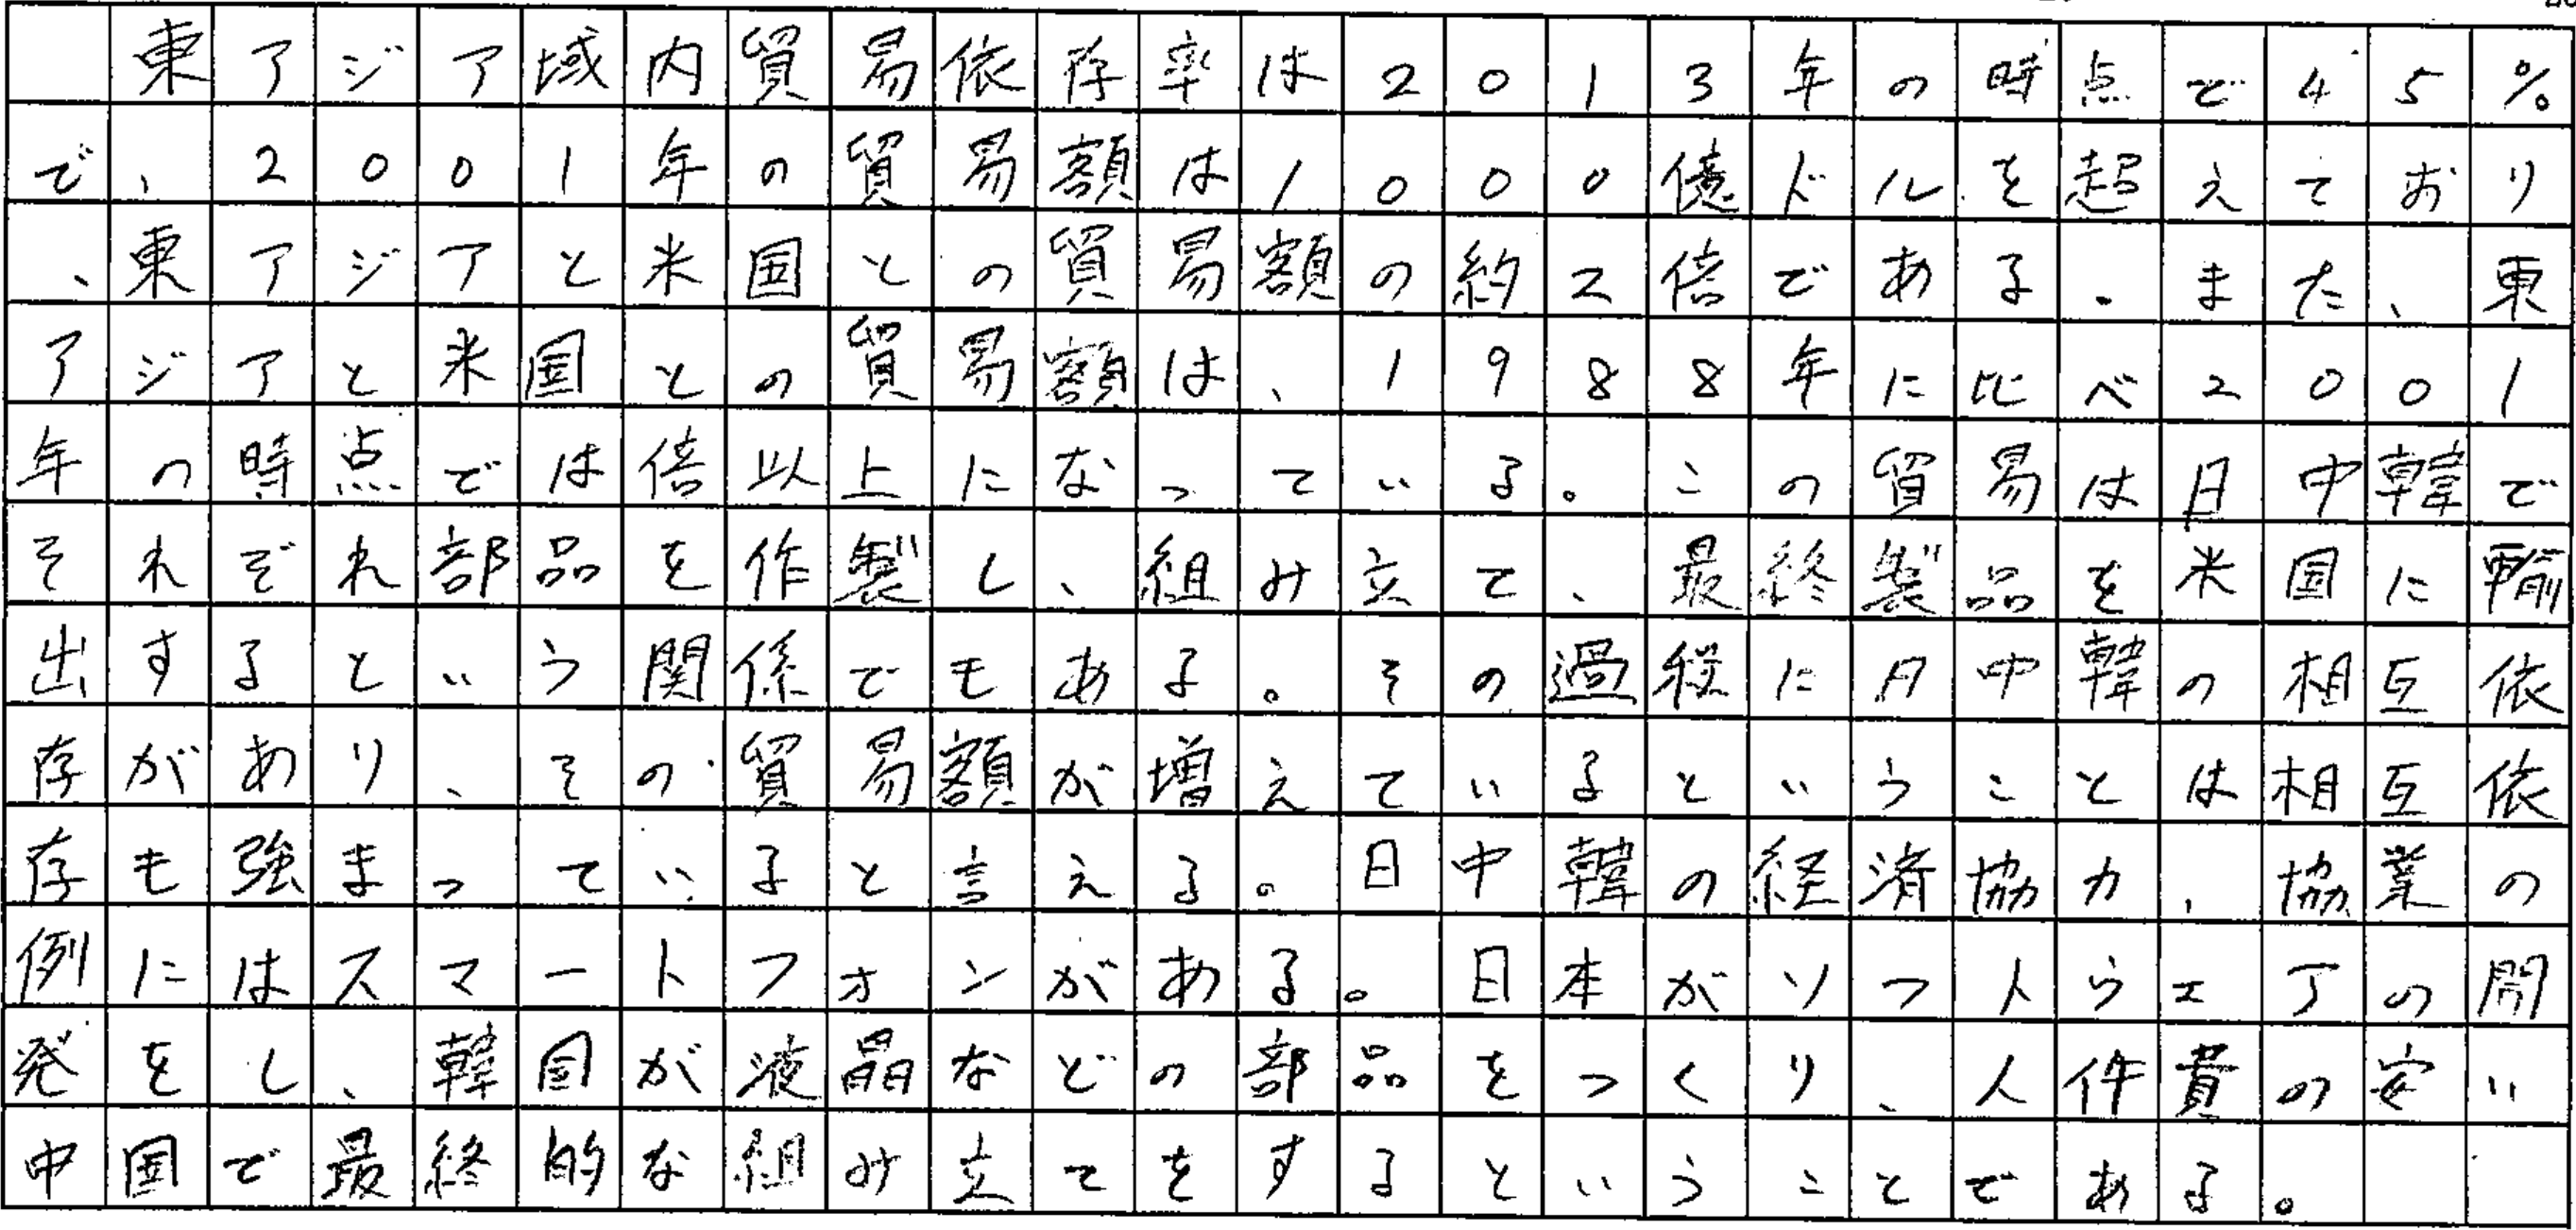　東アジア域内貿易依存率は２０１３年の時点で４５％で、２００１年の貿易額は１０００億ドルを超えており、東アジアと米国との貿易額の約２倍である。また、東アジアと米国との貿易額は、１９８８年に比べ２００１年の時点では倍以上になっている。この貿易は日中韓でそれぞれ部品を作製し、組み立て、最終製品を米国に輸出するという関係でもある。その過程に日中韓の相互依存があり、その貿易額が増えているということは相互依存も強まっていると言える。日中韓の経済協力，協業の例にはスマートフォンがある。日本がソフトウェアの開発をし、韓国が液晶などの部品をつくり、人件費の安い中国で最終的な組み立てをするということである。
